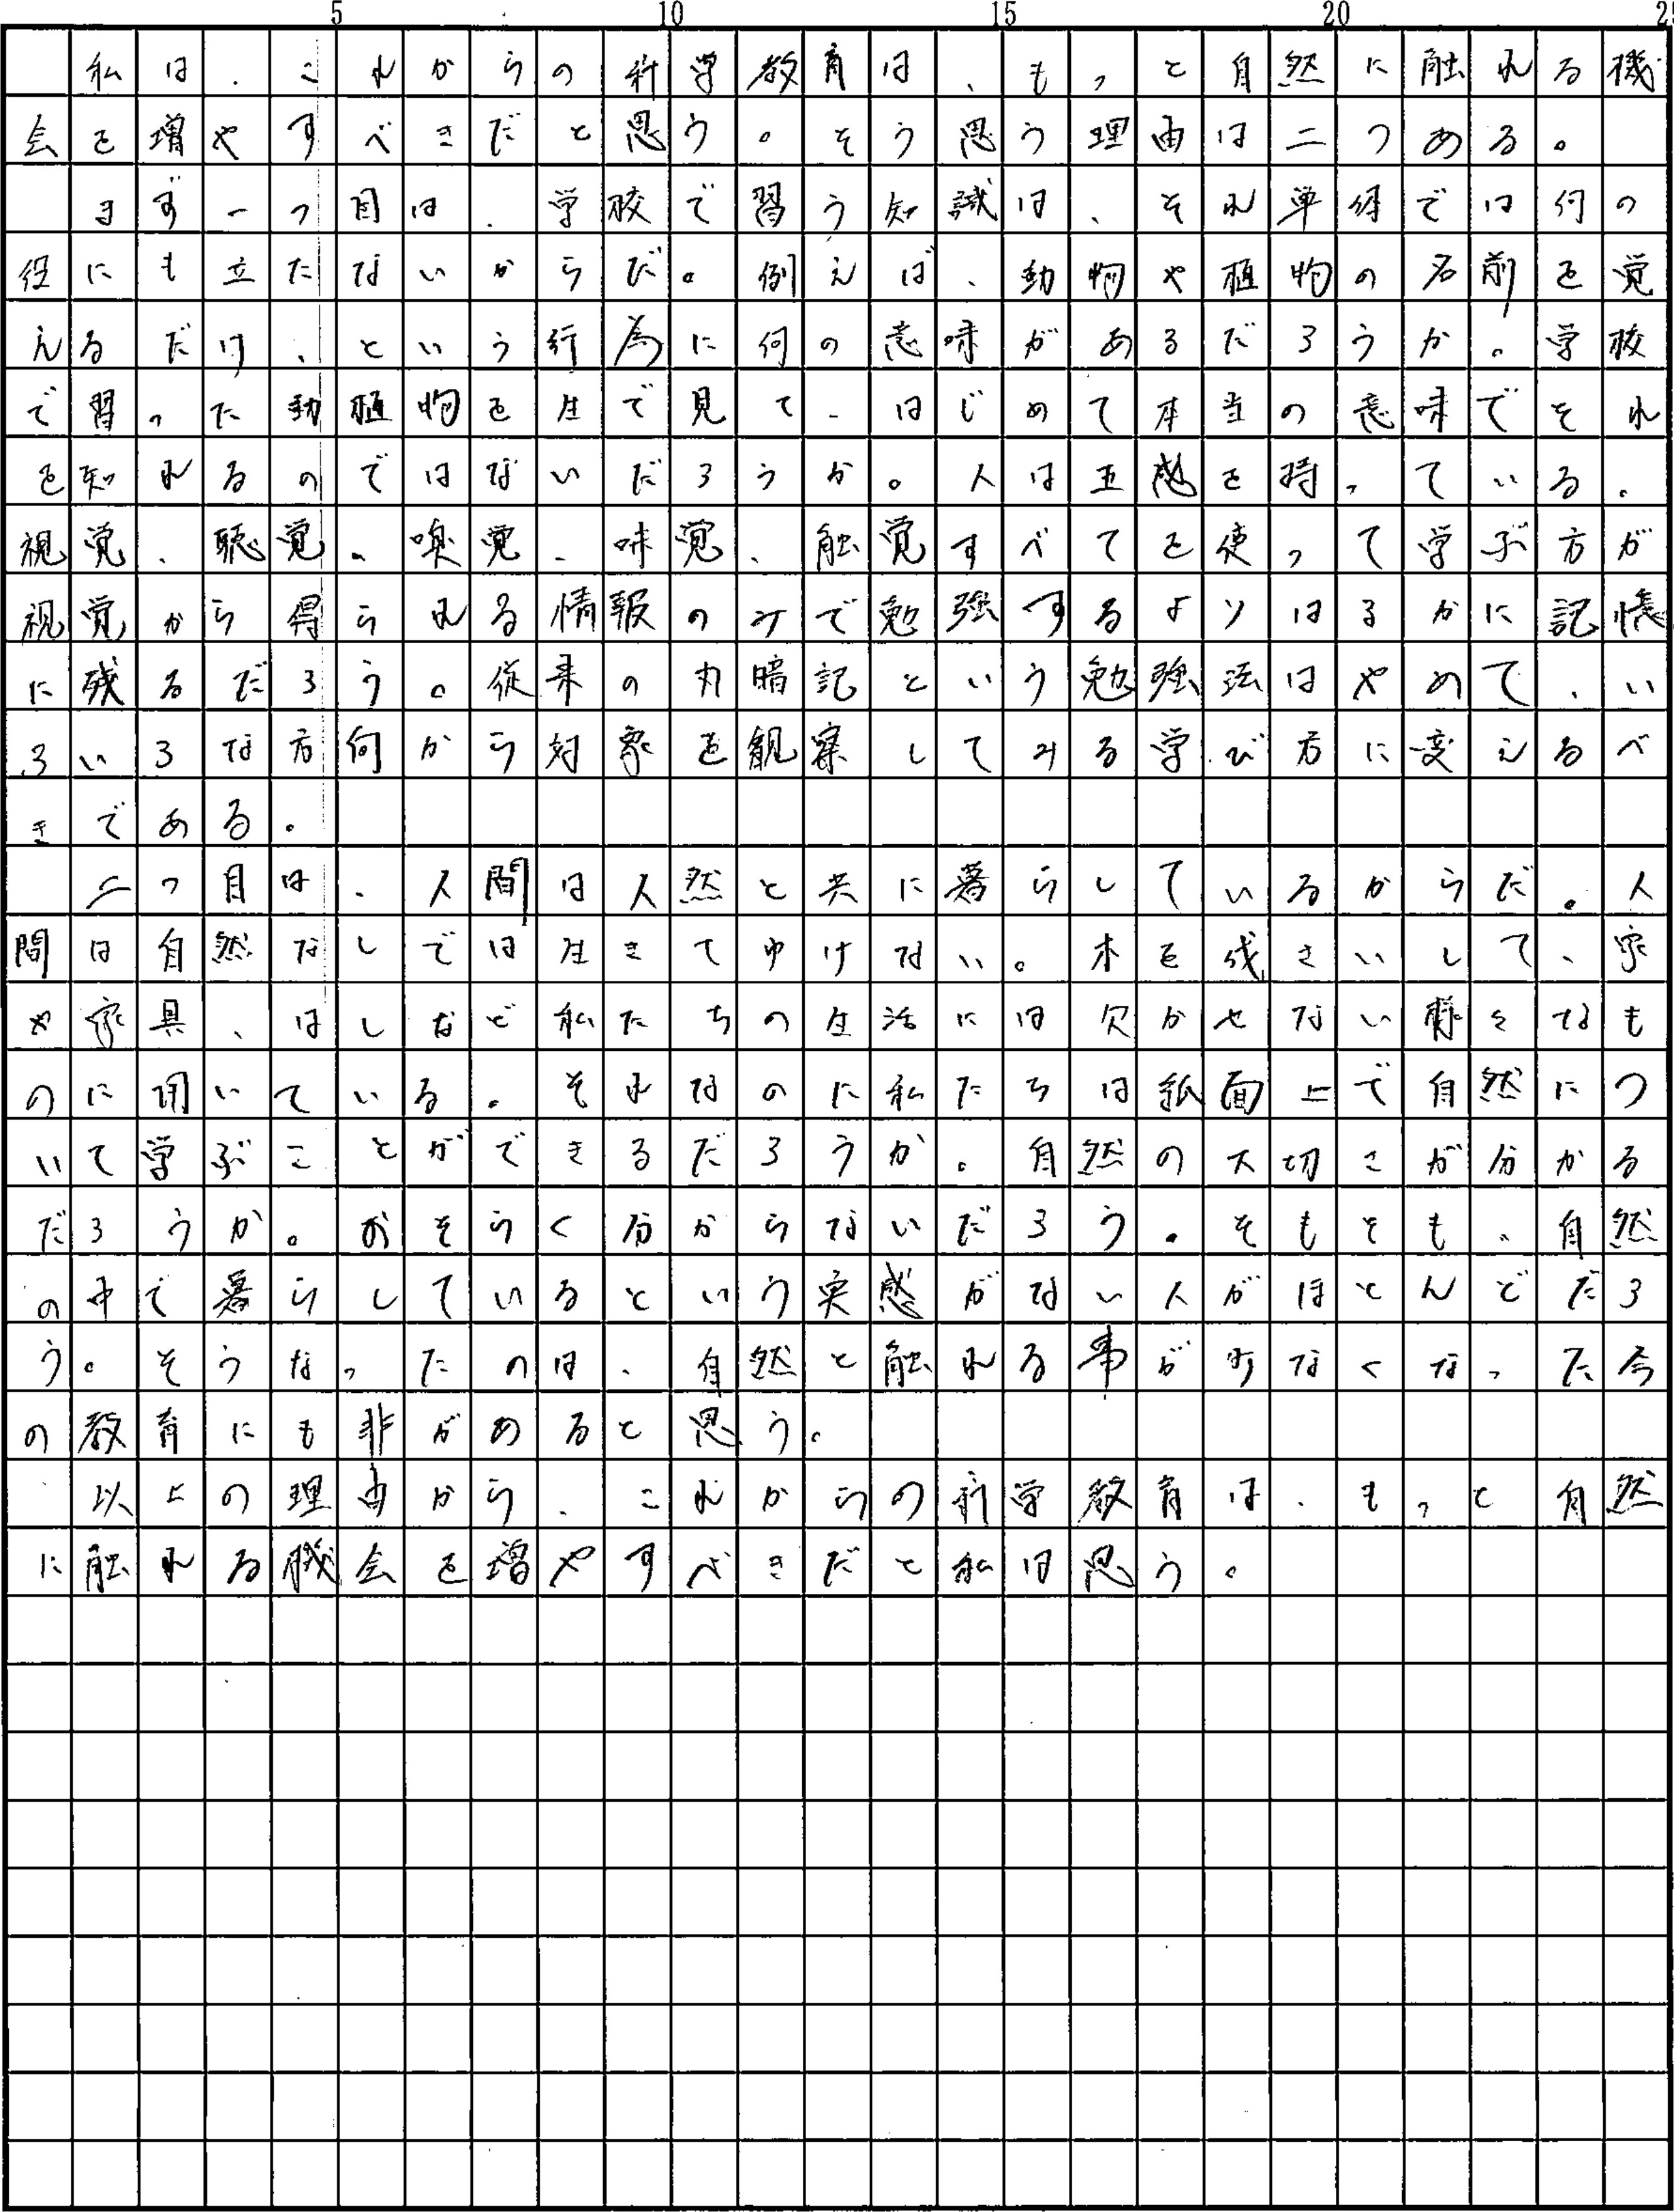　私は、これからの科学教育は、もっと自然に触れる機会を増やすべきだと思う。そう思う理由は二つある。
　まず一つ目は、学校で習う知識は、それ単体では何の役にも立たないからだ。例えば、動物や植物の名前を覚えるだけ、という行為に何の意味があるだろうか。学校で習った動植物を生で見て、はじめて本当の意味でそれを知れるのではないだろうか。人は五感を持っている。視覚、聴覚、嗅覚、味覚、触覚すべてを使って学ぶ方が視覚から得られる情報のみで勉強するよりはるかに記憶に残るだろう。従来の丸暗記という勉強法はやめて、いろいろな方向から対象を観察してみる学び方に変えるべきである。
　二つ目は、人間は人然と共に暮らしているからだ。人間は自然なしでは生きてゆけない。木を伐さいして、家や家具、はしなど私たちの生活には欠かせない様々なものに用いている。それなのに私たちは紙面上で自然について学ぶことができるだろうか。自然の大切さが分かるだろうか。おそらく分からないだろう。そもそも、自然の中で暮らしているという実感がない人がほとんどだろう。そうなったのは、自然と触れる事が少なくなった今の教育にも非があると思う。
　以上の理由から、これからの科学教育は、もっと自然に触れる機会を増やすべきだと私は思う。
